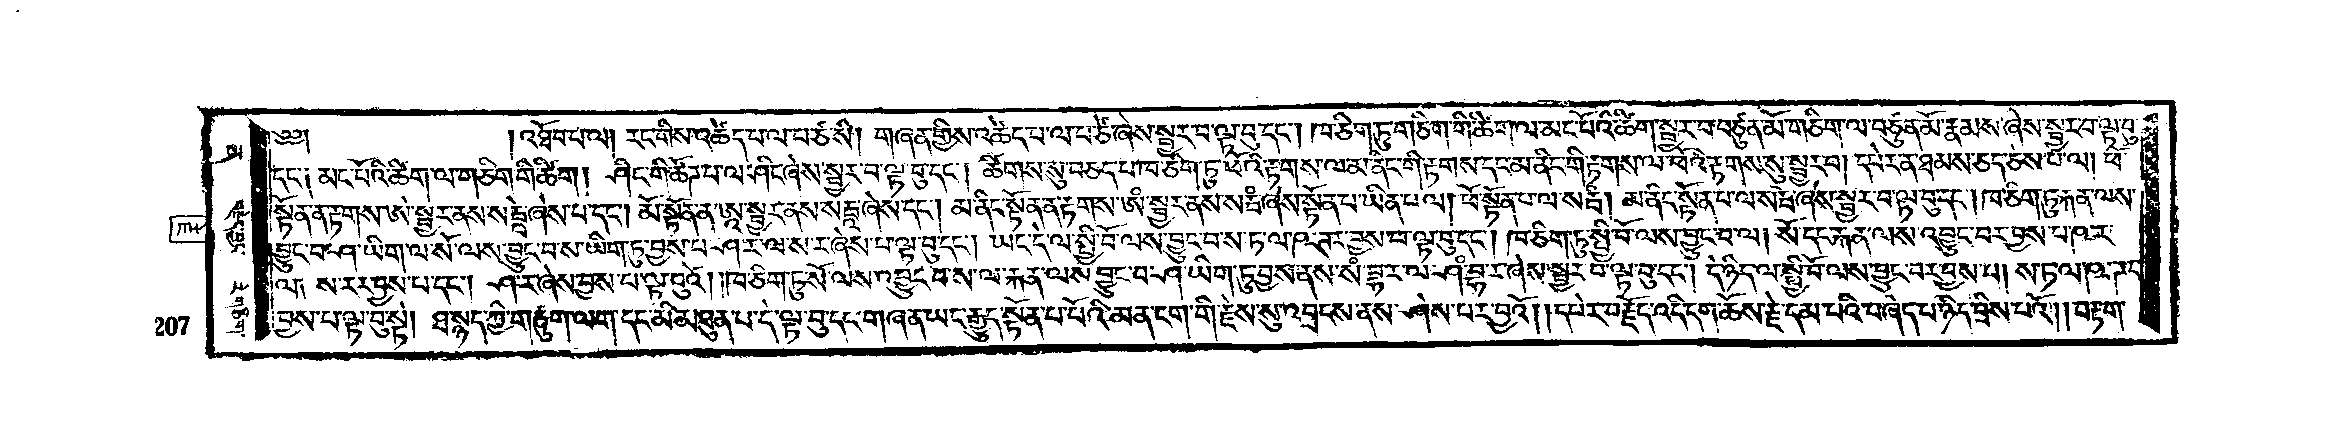༄༅། །འཐོབ་པ་ལ། རང་གིས་འཚེད་པ་ལ་པ་ཙེ་སི། གཞན་གྱིས་འཚེད་པ་ལ་པ་ཙེ་ཞེས་སྦྱར་བ་ལ་བུ་དང་། ཁ་ཅིག་ཏུ་གཅིག་གི་ཚིག་ལ་མང་པོའི་ཚིག་སྦྱར་བ་བཙུན་མོ་གཅིག་ལ་བཙུན་མོ་རྣམས་ཞེས་སྦྱར་བ་ལྟ་བུ་
དང་། མང་པོའི་ཚིག་ལ་གཅིག་གི་ཚིག །ཤིང་གི་ཚོགས་པ་ལ་ཤིང་ཞེས་སྦྱར་བ་ལྟ་བུ་དང་། ཚིགས་སུ་བཅད་པ་ཁ་ཅིག་ཏུ་ཕོའི་རྟགས་ལ་མ་ནིང་གི་རྟགས་དང་མ་ནིང་གི་རྟགས་ལ་ཕོའི་རྟགས་སུ་སྦྱར་བ། དཔེར་ན་ཐམས་ཅད་ཅེས་པ་ལ། ཕོ་
སྟོན་ན་རྟགས་ཨེ་སྦྱར་ནས་སརྦྦེ་ཞེས་པ་དང་། མོ་སྟོན་ན་ཨཱ་སྦྱར་ནས་སརྦཱ་ཞེས་དང་། མ་ནིང་སྟོན་ན་རྟགས་ཨཾ་སྦྱར་ནས་སརྦཾ་ཞེས་སྟོན་པ་ཡིན་པ་ལ། ཕོ་སྟོན་པ་ལ་སརྦཾ། མ་ནིང་སྟོན་པ་ལ་སརྦཾ་ཞེས་སྦྱར་བ་ལྟ་བུ་དང་། ཁ་ཅིག་ཏུ་རྐན་ལས་
བྱུང་བ་ཤ་ཡིག་ལ་སོ་ལས་བྱུང་བ་ས་ཡིག་ཏུ་བྱས་པ་ཤ་ར་ལ་ས་ར་ཞེས་པ་ལྟ་བུ་དང་། ཡང་དེ་ལ་སྤྱི་བོ་ལས་བྱུང་བ་ས་ཏ་ལ་ཥ་ཊར་བྱས་པ་ལྟ་བུ་དང་། ཁ་ཅིག་ཏུ་སྤྱི་བོ་ལས་བྱུང་བ་ལ། སོ་དང་རྐན་ལས་འབྱུང་བར་བྱས་པ་ཥ་ར་
ལ། ས་རར་བྱས་པ་དང་། ཤ་ར་ཞེས་བྱས་པ་ལྟ་བུའོ། །ཁ་ཅིག་ཏུ་སོ་ལས་འབྱུང་བ་ས་ལ་རྐན་ལས་བྱུང་བ་ཤ་ཡིག་ཏུ་བྱས་ནས་སཾ་བྷ་ར་ལ་ཤཾ་བྷ་ར་ཞེས་སྦྱར་བ་ལྟ་བུ་དང་། དེ་ཉིད་ལ་སྤྱི་བོ་ལས་བྱུང་བར་བྱས་པ། ས་ཏ་ལ་ཥ་ཌར་
བྱས་པ་ལྟ་བུ་སྟེ། ཐ་སྙད་ཀྱི་གཙུག་ལག་དང་མི་མཐུན་པ་དེ་ལྟ་བུ་དང་གཞན་ཡང་རྒྱུད་སྟོན་པ་པོའི་མན་ངག་གི་རྗེས་སུ་འབྲངས་ནས་ཤེས་པར་བྱའོ། །དཔེར་བརྗོད་འདི་དག་ཆོས་རྗེ་དམ་པའི་བཞེད་པ་ཉིད་བྲིས་པའོ། །བརྟག་